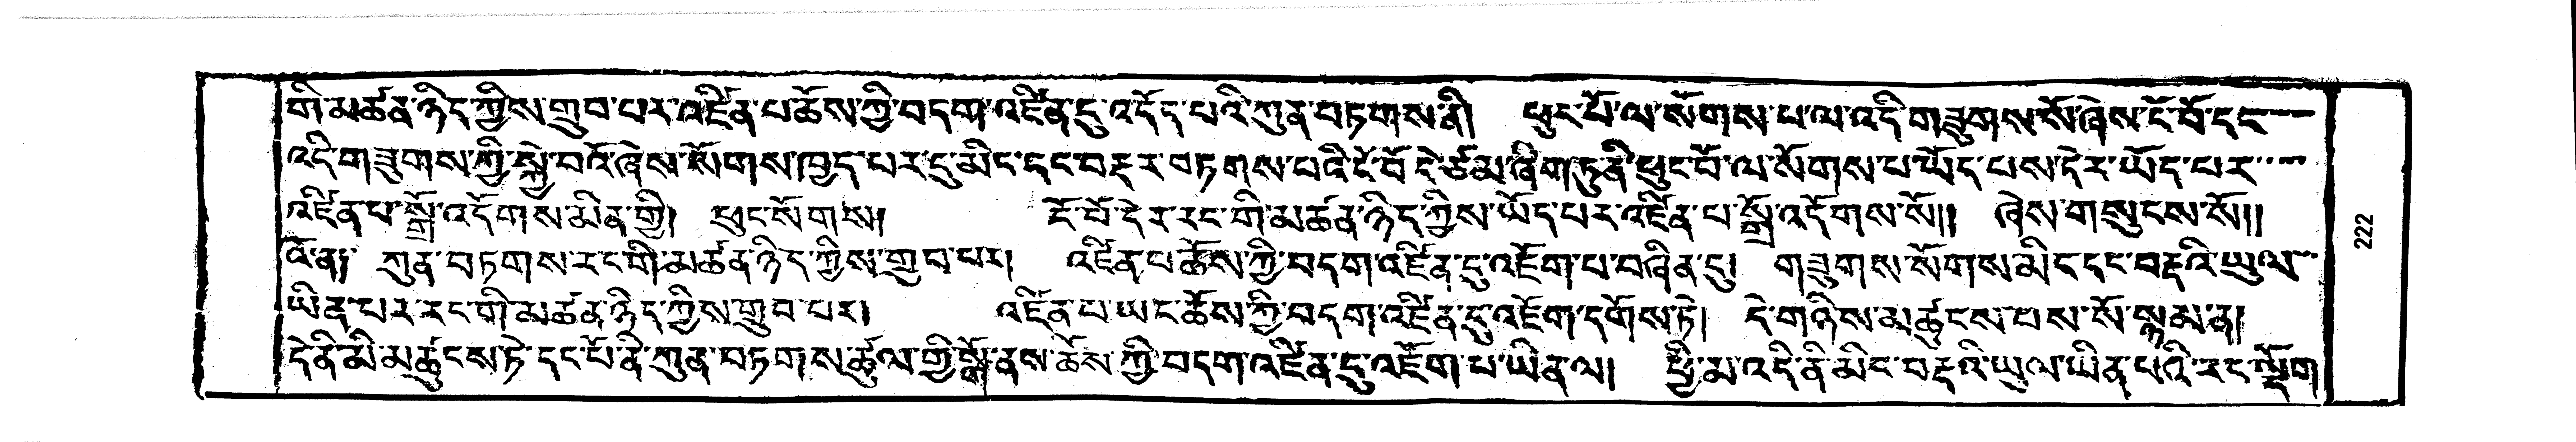གི་མཚན་ཉིད་ཀྱིས་གྲུབ་པར་འཛིན་པ་ཆོས་ཀྱི་བདག་འཛིན་དུ་འདོད་པའི་ཀུན་བཏགས་ནི། ཕུང་པོ་ལ་སོགས་པ་ལ་འདི་གཟུགས་སོ་ཞེས་ངོ་བོ་དང་
འདི་གཟུགས་ཀྱི་སྐྱེ་བའོ་ཞེས་སོགས་ཁྱད་པར་དུ་མིང་དང་བརྡར་བཏགས་པའི་ངོ་བོ་དེ་ཙམ་ཞིག་ཏུ་ནི་ཕུང་པོ་ལ་སོགས་པ་ཡོད་པས་དེར་ཡོད་པར་
འཛིན་པ་སྒྲོ་འདོགས་མིན་གྱི། ཕུང་སོགས། ངོ་བོ་དེར་རང་གི་མཚན་ཉིད་ཀྱིས་ཡོད་པར་འཛིན་པ་སྒྲོ་འདོགས་སོ། །ཞེས་གསུངས་སོ། །
འོ་ན། ཀུན་བཏགས་རང་གི་མཚན་ཉིད་ཀྱིས་གྲུབ་པར། འཛིན་པ་ཆོས་ཀྱི་བདག་འཛིན་དུ་འཇོག་པ་བཞིན་དུ། གཟུགས་སོགས་མིང་དང་བརྡའི་ཡུལ་
ཡིན་པར་རང་གི་མཚན་ཉིད་ཀྱིས་གྲུབ་པར། འཛིན་པ་ཡང་ཆོས་ཀྱི་བདག་འཛིན་དུ་འཇོག་དགོས་ཏེ། དེ་གཉིས་མཚུངས་པས་སོ་སྙམ་ན།
དེ་ནི་མི་མཚུངས་ཏེ་དང་པོ་ནི་ཀུན་བཏགས་ཚུལ་གྱི་སྒོ་ནས་ཆོས་ཀྱི་བདག་འཛིན་དུ་འཇོག་པ་ཡིན་ལ། ཕྱི་མ་འདི་ནི་མིང་བརྡའི་ཡུལ་ཡིན་པའི་རང་ལྡོག་